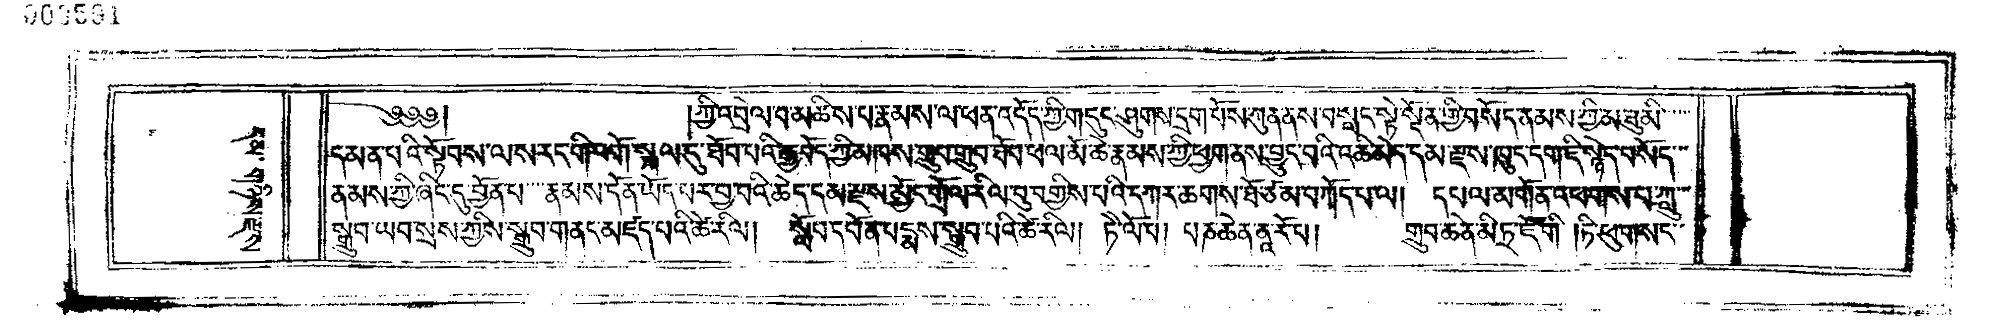༄༅༅། །ཀྱི་འབྲེལ་བ་མཆིས་པ་རྣམས་ལ་ཕན་འདོད་ཀྱི་གདུང་ཤུགས་དྲག་པོས་ཀུན་ནས་བསླང་སྟེ་སྔོན་གྱི་བསོད་ནམས་ཀྱི་མཐུ་མི་
དམན་པའི་སྟོབས་ལས་རང་གི་འགོ་སྐལ་དུ་ཐོབ་པའི་རྒྱ་བོད་ཀྱི་མཁས་གྲུབ་གྲུབ་ཐོབ་ཕལ་མོ་ཆེ་རྣམས་ཀྱི་ཕྱག་ནས་བྱུང་བའི་འཆི་མེད་དམ་རྫས་ཁུང་དག་ཇི་སྙེད་བསོད་
ནམས་ཀྱི་ཞིང་དུ་བྱོན་པ་རྣམས་དོན་ཡོད་པར་བྱ་བའི་ཆེད་དམ་རྫས་མྱོང་གྲོལ་རིལ་བུ་བགྱིས་པའི་དཀར་ཆགས་ཐོ་ཙམ་བཀོད་པ་ལ། དཔལ་མགོན་འཕགས་པ་ཀླུ་
སྒྲུབ་ཡབ་སྲས་ཀྱིས་སྒྲུབ་གནང་མཛད་པའི་ཚེ་རིལ། སློབ་དབོན་པདམས་སྒྲུབ་པའི་ཚེ་རིལ། ཏཻ་ལོ་པ། པཎ་ཆེན་ནཱ་རོ་པ། གྲུབ་ཆེན་མི་ཏྲ་ཛོ་གི །ཏི་ཕུ་གསང་